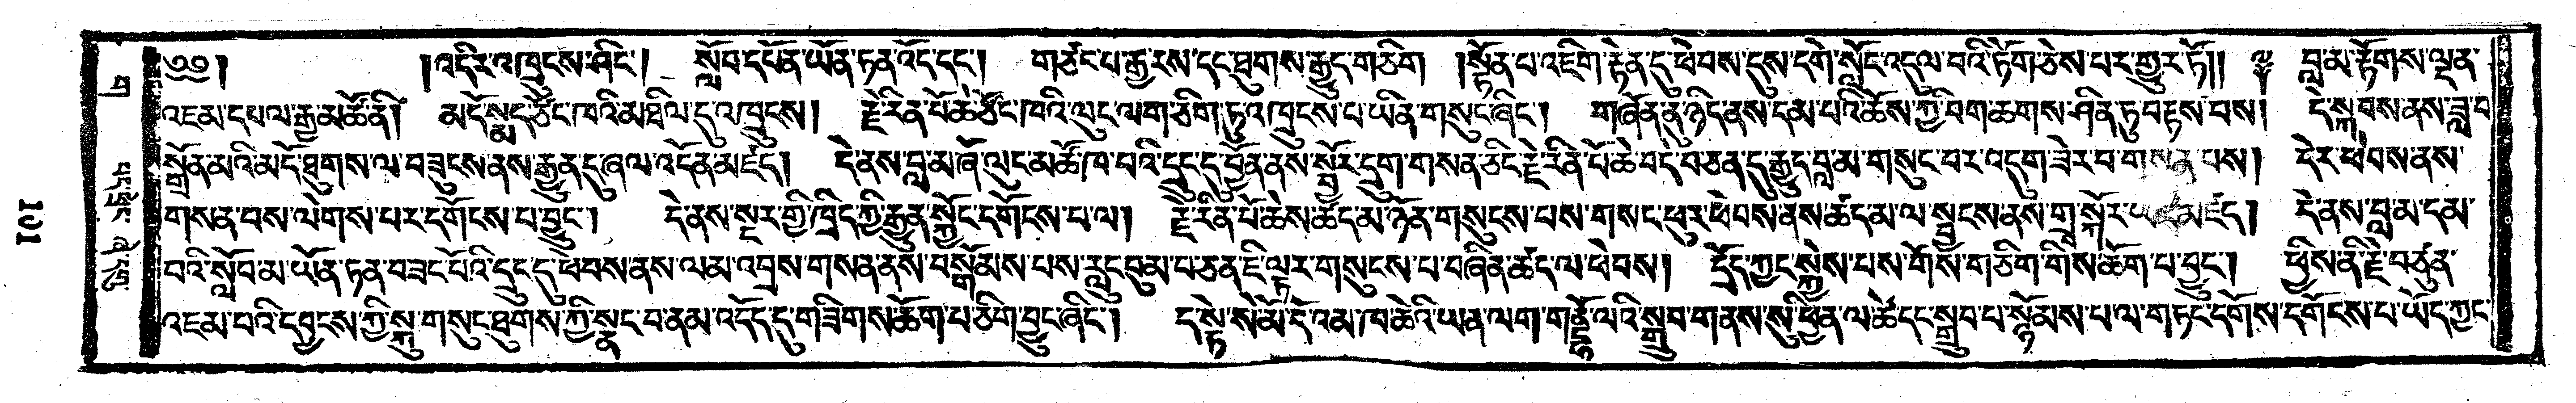༄༅། །འདིར་འཁྲུངས་ཤིང་། སློབ་དཔོན་ཡོན་ཏན་འོད་དང་། གཙང་པ་རྒྱ་རས་དང་ཐུགས་རྒྱུད་གཅིག །སྟོན་པ་འཇིག་རྟེན་དུ་ཕེབས་དུས་དགེ་སློང་འདུལ་བའི་ཏོག་ཅེས་པར་གྱུར་ཏོ།། ༈ བླ་མ་རྟོགས་ལྡན་
འཇམ་དཔལ་རྒྱ་མཚོ་ནི། མདོ་སྨད་ཙོང་ཁའི་མཐིལ་དུ་འཁྲུངས། རྗེ་རིན་པོ་ཆེ་ཙོང་ཁའི་ལུང་ལག་ཅིག་ཏུ་འཁྲུངས་པ་ཡིན་གསུང་ཞིང་། གཞོན་ནུ་ཉིད་ནས་དམ་པའི་ཆོས་ཀྱི་བག་ཆགས་ཤིན་ཏུ་བརྟས་པས། དེ་སྐབས་ནས་ཟླ་བ་
སྒྲོན་མའི་མདོ་ཐུགས་ལ་བཟུངས་ནས་རྒྱུན་དུ་ཞལ་འདོན་མཛད། དེ་ནས་བླ་མ་ཞོ་ལུང་མཚོ་ཁ་བའི་དྲུང་དུ་བྱོན་ནས་སྦྱོར་དྲུག་གསན་ཅིང་རྗེ་རིན་པོ་ཆེ་བདེ་བ་ཅན་དུ་རྒྱུད་བླ་མ་གསུང་བར་འདུག་ཟེར་བ་གསན་པས། དེར་ཕེབས་ནས་
གསན་པས་ལེགས་པར་དགོངས་པ་བྱུང་། དེ་ནས་སྔར་གྱི་ཁྲིད་ཀྱི་རྒྱུན་སྐྱོང་དགོངས་པ་ལ། རྗེ་རིན་པོ་ཆེས་ཚད་མ་ཉོན་གསུངས་པས་གསང་ཕུར་ཕེབས་ནས་ཚད་མ་ལ་སྦྱངས་ནས་གྲྭ་སྐོར་ཡང་མཛད། དེ་ནས་བླ་མ་དམ་
པའི་སློབ་མ་ཡོན་ཏན་བཟང་པོའི་དྲུང་དུ་ཕེབས་ནས་ལམ་འབྲས་གསན་ནས་བསྒོམས་པས་རླུང་བུམ་པ་ཅན་ཇི་ལྟར་གསུངས་པ་བཞིན་ཚད་ལ་ཕེབས། དྲོད་ཀྱང་སྐྱེས་པས་གོས་གཅིག་གིས་ཆོག་པ་བྱུང་། ཕྱིས་ནི་རྗེ་བཙུན་
འཇམ་པའི་དབྱངས་ཀྱི་སྐུ་གསུང་ཐུགས་ཀྱི་སྣང་བ་ནམ་འདོད་དུ་གཟིགས་ཆོག་པ་ཅིག་བྱུང་ཞིང་། ད་སྟེ་སེ་མོ་དོ་འམ་ཁ་ཆེའི་ཡན་ལག་གནྡྷོ་ལའི་སྒྲུབ་གནས་སུ་ཕྱིན་ལ་ཚེ་དང་སྒྲུབ་པ་སྙོམས་པ་ལ་གཏང་དགོས་དགོངས་པ་ཡོད་ཀྱང་